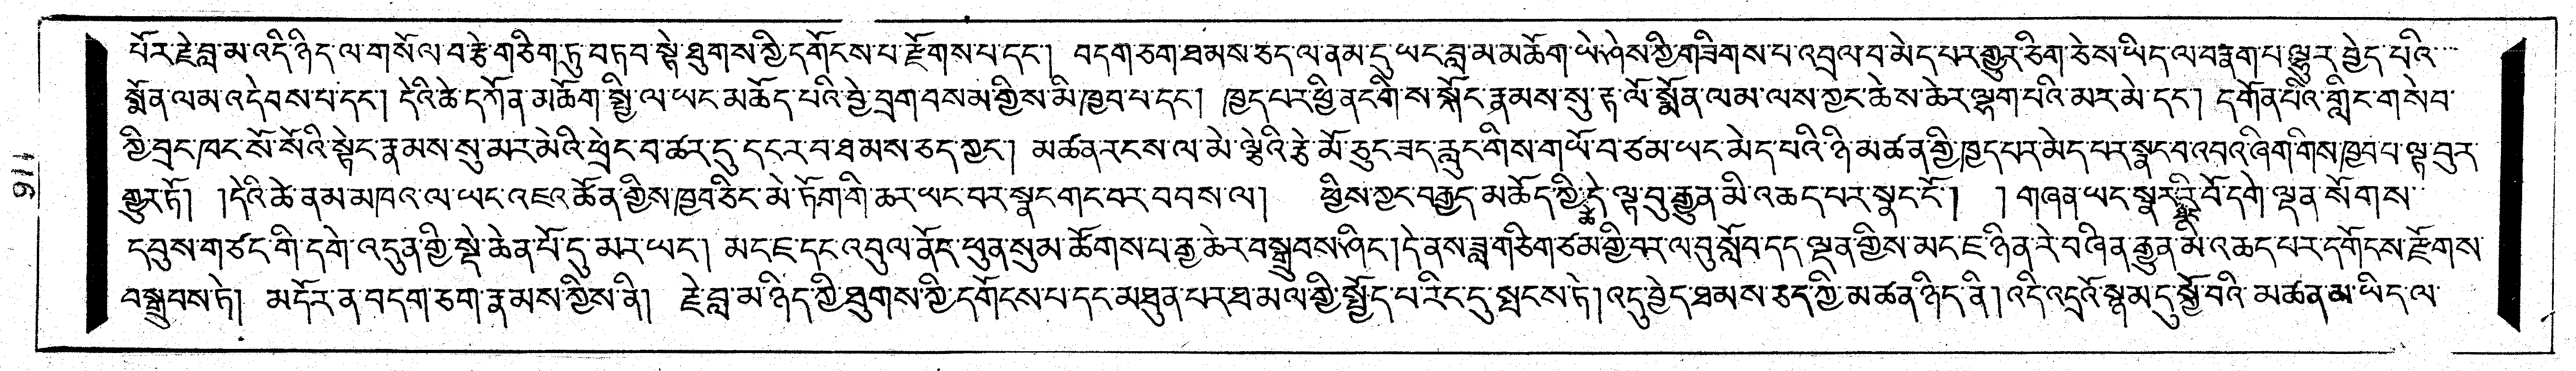པོར་རྗེ་བླ་མ་འདི་ཉིད་ལ་གསོལ་བ་རྩེ་གཅིག་ཏུ་བཏབ་སྟེ་ཐུགས་ཀྱི་དགོངས་པ་རྫོགས་པ་དང་། བདག་ཅག་ཐམས་ཅད་ལ་ནམ་དུ་ཡང་བླ་མ་མཆོག་ཡེ་ཤེས་ཀྱི་གཟིགས་པ་འབྲལ་བ་མེད་པར་གྱུར་ཅིག་ཅེས་ཡིད་ལ་བྲང་པ་ལྷུར་བྱེད་པའི་
སྨོན་ལམ་འདེབས་པ་དང་། དེའི་ཆེ་དཀོན་མཆོག་སྤྱི་ལ་ཡང་མཆོད་པའི་བྱེ་བྲག་བསམ་གྱིས་མི་ཁྱབ་པ་དང་། ཁྱད་པར་ཕྱི་ནང་གི་ས་སྐོང་རྣམས་སུ་རྟ་ལོ་སྨོན་ལམ་ལས་ཀྱང་ཆེས་ཆེར་ལྷག་པའི་མར་མེ་དང་། དགོན་པའི་གླིང་གསེབ་
ཀྱི་བྲང་ཁང་སོ་སོའི་སྟེང་རྣམས་སུ་མར་མེའི་ཕྲེང་བ་ཚར་དུ་དངར་བ་ཐམས་ཅད་ཀྱང་། མཚན་རངས་ལ་མེ་ལྕེའི་རྩེ་མོ་ཅུང་ཟད་རླུང་གིས་གཡོ་བ་ཙམ་ཡང་མེད་པའི་ཉི་མཚན་གྱི་ཁྱད་པར་མེད་པར་སྣང་བ་འབའ་ཞིག་གིས་ཁྱབ་པ་ལྟ་བུར་
གྱུར་ཏོ། །དེའི་ཚེ་ནམ་མཁའ་ལ་ཡང་འཇའ་ཚོན་གྱིས་ཁྱབ་ཅིང་མེ་ཏོག་གི་ཆར་ཡང་བར་སྣང་གང་བར་བབས་ལ། ཕྱིས་ཀྱང་བརྒྱད་མཆོད་ཀྱི་ཚེ་དེ་ལྟ་བུ་རྒྱུན་མི་འཆད་པར་སྣང་ངོ། །གཞན་ཡང་སྣར་ཐང་རི་བོ་དགེ་ལྡན་སོགས་
དབུས་གཙང་གི་དགེ་འདུན་གྱི་སྡེ་ཆེན་པོ་དུ་མར་ཡང་། མང་ཇ་དང་འབུལ་ནོད་ཕུན་སུམ་ཚོགས་པ་རྒྱ་ཆེར་བསྒྲུབས་ཤིང་། དེ་ནས་ཟླ་གཅིག་ཙམ་གྱི་བར་ལ་བུ་སློབ་དད་ལྡན་གྱིས་མང་ཇ་ཉིན་རེ་བཞིན་རྒྱུན་མི་འཆད་པར་དགོངས་རྫོགས་
བསྒྲུབས་ཏེ། མདོར་ན་བདག་ཅག་རྣམས་ཀྱིས་ནི། རྗེ་བླ་མ་ཉིད་ཀྱི་ཐུགས་ཀྱི་དགོངས་པ་དང་མཐུན་པར་ཐ་མལ་གྱི་སྤྱོད་པ་རིང་དུ་སྤངས་ཏེ། འདུ་བྱེད་ཐམས་ཅད་ཀྱི་མཚན་ཉིད་ནི། འདི་འདྲའོ་སྙམ་དུ་སྐྱོ་བའི་མཚན་མ་ཡིད་ལ་